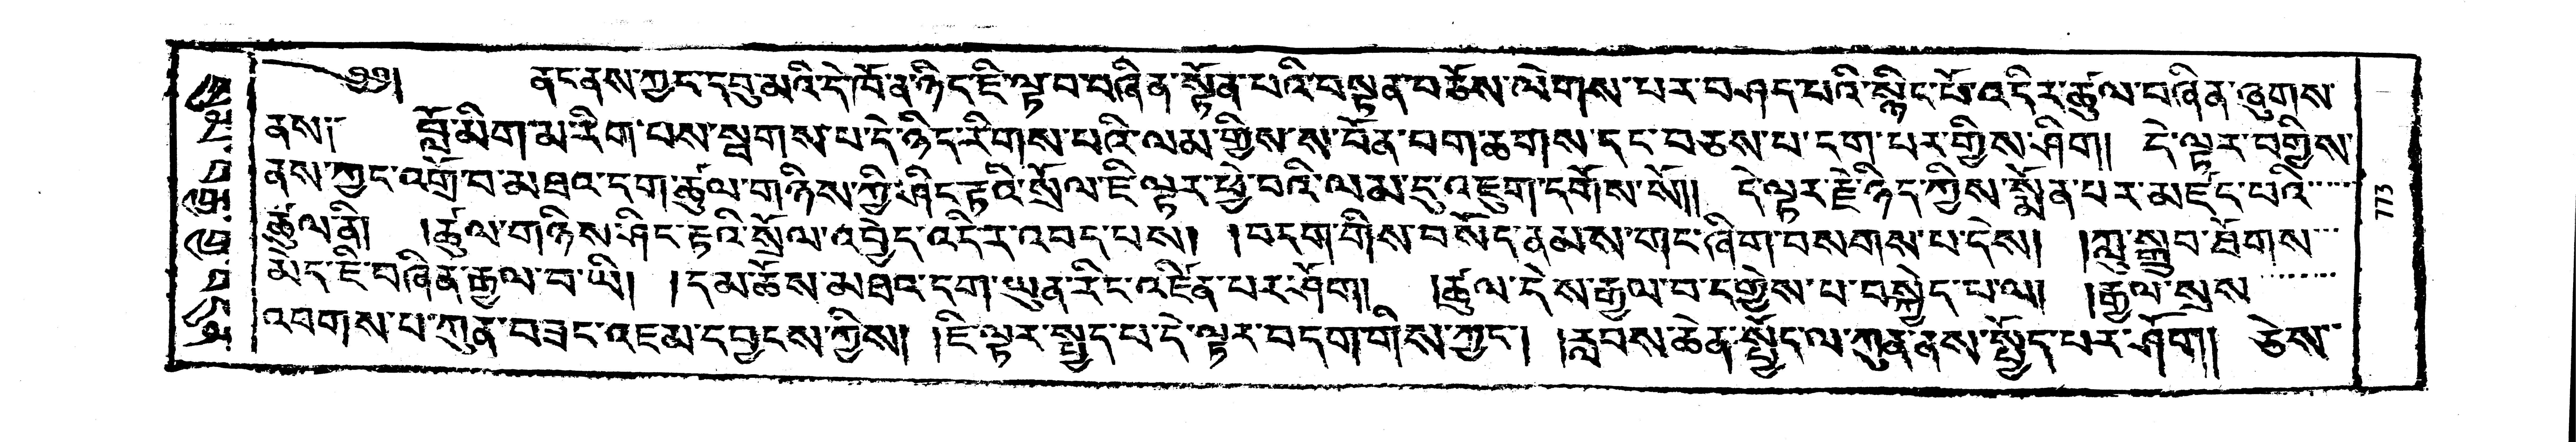༄༅། །ནང་ནས་ཀྱང་དབུ་མའི་དེ་ཁོ་ན་ཉིད་ཇི་ལྟ་བ་བཞིན་སྟོན་པའི་བསྟན་བཅོས་ལེགས་པར་བཤད་པའི་སྙིང་པོ་འདིར་ཚུལ་བཞིན་ཞུགས་
ནས༑ བློ་མིག་མ་རིག་པས་སྦགས་པ་དེ་ཉིད་རིགས་པའི་ལམ་གྱིས་ས་བོན་བག་ཆགས་དང་བཅས་པ་དག་པར་གྱིས་ཤིག། དེ་ལྟར་བགྱིས་
ནས་ཀྱང་འགྲོ་བ་མཐའ་དག་ཚུལ་གཉིས་ཀྱི་ཤིང་རྟའི་སྲོལ་ཇི་ལྟར་ཕྱེ་བའི་ལམ་དུ་འཇུག་དགོས་སོ།། དེ་ལྟར་རྗེ་ཉིད་ཀྱིས་སྨོན་པར་མཛད་པའི་
ཚུལ་ནི། །ཚུལ་གཉིས་ཤིང་རྟའི་སྲོལ་འབྱེད་འདིར་འབད་པས། །བདག་གིས་བསོད་ནམས་གང་ཞིག་བསགས་པ་དེས། །ཀླུ་སྒྲུབ་ཐོགས་
མེད་ཇི་བཞིན་རྒྱལ་བ་ཡི། །དམ་ཆོས་མཐའ་དག་ཡུན་རིང་འཛིན་པར་ཤོག། །ཚུལ་དེས་རྒྱལ་བ་དགྱེས་པ་བསྐྱེད་པ་ལ། །རྒྱལ་སྲས་
འཕགས་པ་ཀུན་བཟང་འཇམ་དབྱངས་ཀྱིས། །ཇི་ལྟར་སྤྱད་པ་དེ་ལྟར་བདག་གིས་ཀྱང་། །རླབས་ཆེན་སྤྱོད་ལ་ཀུན་ནས་སྤྱོད་པར་ཤོག། ཅེས་